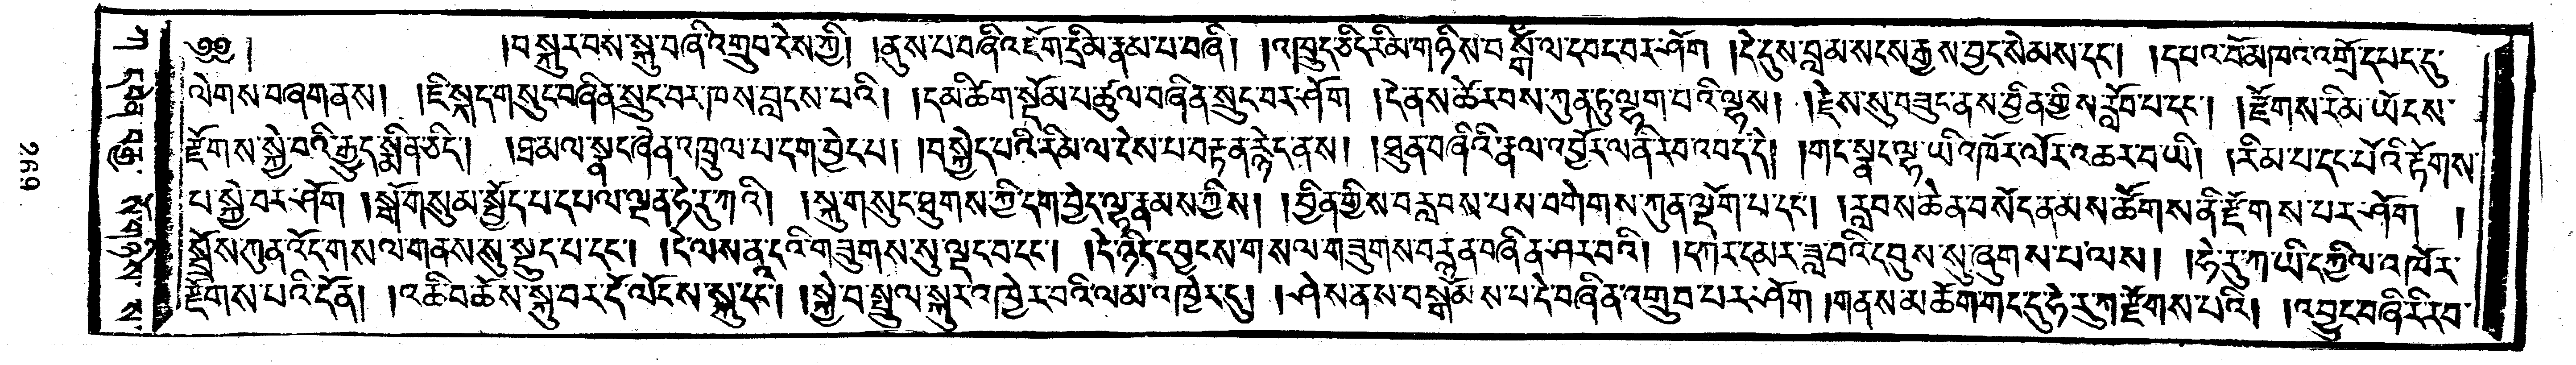༄༅། །བསྐུར་བས་སྐུ་བཞི་འགྲུབ་ངེས་ཀྱི། །ནུས་པ་བཞི་འཇོག་དྲི་མ་རྣམ་པ་བཞི། །འཁྲུད་ཅིང་རིམ་གཉིས་བསྒོ་ལ་དབང་བར་ཤོག །དེ་དུས་བླ་མ་སངས་རྒྱས་བྱང་སེམས་དང་། །དཔའ་བོ་མཁའ་འགྲོ་དཔང་དུ་
ལེགས་བཞག་ནས། །ཇི་སྐད་གསུང་བཞིན་སྲུང་བར་ཁས་བླངས་པའི། །དམ་ཚིག་སྡོམ་པ་ཚུལ་བཞིན་སྲུང་བར་ཤོག །དེ་ནས་ཚེ་རབས་ཀུན་ཏུ་ལྷག་པའི་ལྷས། །རྗེས་སུ་བཟུང་ནས་བྱིན་གྱིས་རློབ་པ་དང་། །རྫོགས་རིམ་ཡོངས་
རྫོགས་སྐྱེ་བའི་རྒྱུད་སྨིན་ཅིང་། །ཐ་མལ་སྣང་ཞེན་འཁྲུལ་པ་དག་བྱེད་པ། །བསྐྱེད་པའི་རིམ་ལ་ངེས་པ་བརྟན་རྙེད་ནས། །ཐུན་བཞིའི་རྣལ་འབྱོར་ལ་ནི་རབ་འབད་དེ། །གང་སྣང་ལྷ་ཡི་འཁོར་ལོར་འཆར་བ་ཡི། །རིམ་པ་དང་པོའི་རྟོགས་
པ་སྐྱེ་བར་ཤོག །སྒོ་གསུམ་སྦྱོད་པ་དཔལ་ལྡན་ཧེ་རུ་ཀའི། །སྐུ་གསུང་ཐུགས་ཀྱི་དག་བྱེད་ལྷ་རྣམས་ཀྱིས། །བྱིན་གྱིས་བརླབས་པས་བགེགས་ཀུན་ལྡོག་པ་དང་། །རླབས་ཆེན་བསོད་ནམས་ཚོགས་ནི་རྫོགས་པར་ཤོག །
སྤྲོས་ཀུན་འོད་གསལ་གནས་སུ་སྡུད་པ་དང་། །དེ་ལས་ནཱ་དའི་གཟུགས་སུ་ལྡང་བ་དང་། །དེ་ཉིད་དབྱངས་གསལ་གཟུགས་བརྙན་བཞིན་ཤར་བའི། །དཀར་དམར་ཟླ་བའི་དབུས་སུ་ཞུགས་པ་ལས། །ཧེ་རུ་ཀ་ཡི་དཀྱིལ་འཁོར་
རྫོགས་པའི་དོན། །འཆི་བ་ཆོས་སྐུ་བར་དོ་ལོངས་སྐུ་དང་། །སྐྱེ་བ་སྤྲུལ་སྐུར་འཁྱེར་བའི་ལམ་འཁྱེར་དུ། །ཤེས་ནས་བསྒོམས་པ་དེ་བཞིན་འགྲུབ་པར་ཤོག །གནས་མཆོག་གང་དུ་ཧེ་རུ་ཀ་རྫོགས་པའི། །འབྱུང་བཞི་རི་རབ་